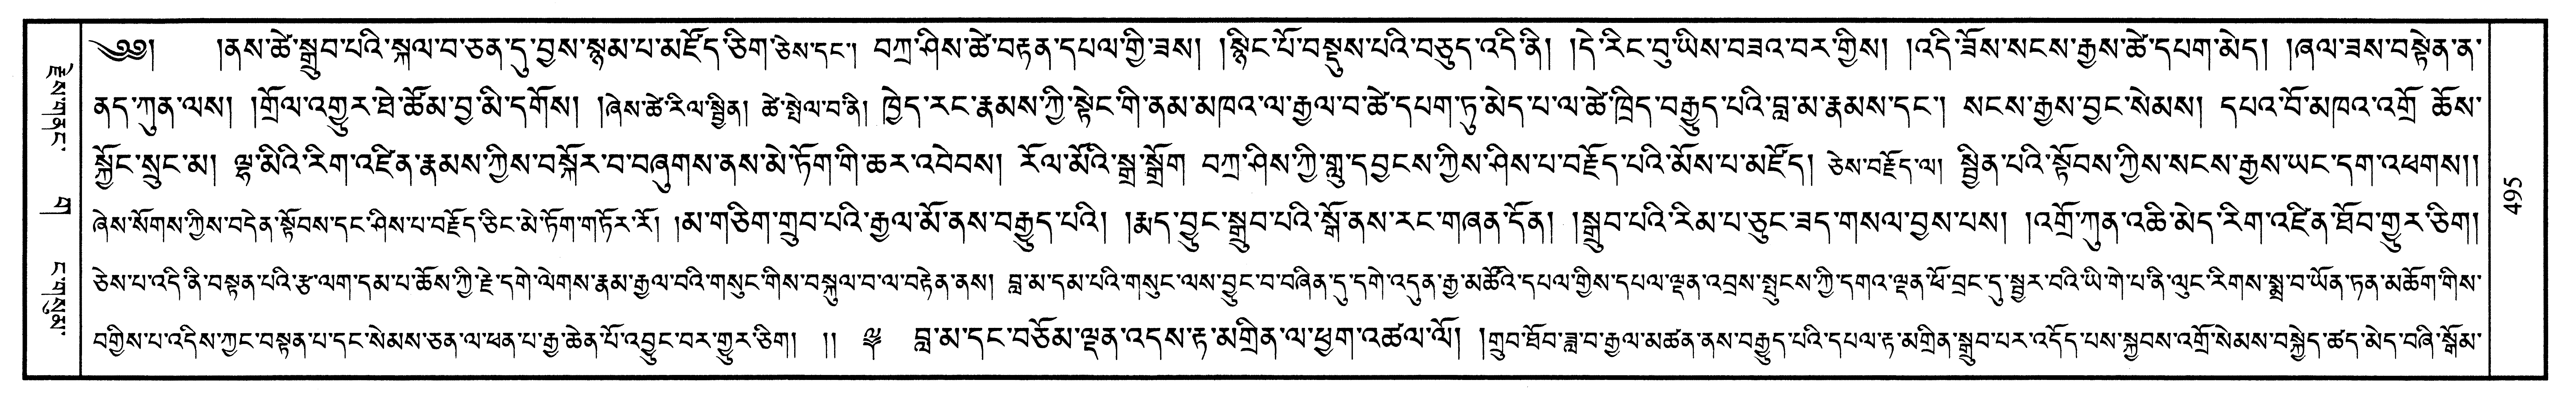༄༅། །ནས་ཚེ་སྒྲུབ་པའི་སྐལ་བ་ཅན་དུ་བྱས་སྙམ་པ་མཛོད་ཅིག་ཅེས་དང་། བཀྲ་ཤིས་ཚེ་བརྟན་དཔལ་གྱི་ཟས། །སྙིང་པོ་བསྡུས་པའི་བཅུད་འདི་ནི། །དེ་རིང་བུ་ཡིས་བཟའ་བར་གྱིས། །འདི་ཟོས་སངས་རྒྱས་ཚེ་དཔག་མེད། །ཞལ་ཟས་བསྟེན་ན་
ནད་ཀུན་ལས། །གྲོལ་འགྱུར་ཐེ་ཚོམ་བྱ་མི་དགོས། །ཞེས་ཚེ་རིལ་སྦྱིན། ཚེ་སྤེལ་བ་ནི། ཁྱེད་རང་རྣམས་ཀྱི་སྟེང་གི་ནམ་མཁའ་ལ་རྒྱལ་བ་ཚེ་དཔག་ཏུ་མེད་པ་ལ་ཚེ་ཁྲིད་བརྒྱུད་པའི་བླ་མ་རྣམས་དང་། སངས་རྒྱས་བྱང་སེམས། དཔའ་བོ་མཁའ་འགྲོ་ཆོས་
སྐྱོང་སྲུང་མ། ལྷ་མིའི་རིག་འཛིན་རྣམས་ཀྱིས་བསྐོར་བ་བཞུགས་ནས་མེ་ཏོག་གི་ཆར་འབེབས། རོལ་མོའི་སྒྲ་སྒྲོག་བཀྲ་ཤིས་ཀྱི་གླུ་དབྱངས་ཀྱིས་ཤིས་པ་བརྗོད་པའི་མོས་པ་མཛོད། ཅེས་བརྗོད་ལ། སྦྱིན་པའི་སྟོབས་ཀྱིས་སངས་རྒྱས་ཡང་དག་འཕགས།།
ཞེས་སོགས་ཀྱིས་བདེན་སྟོབས་དང་ཤིས་པ་བརྗོད་ཅིང་མེ་ཏོག་གཏོར་རོ། །མ་གཅིག་གྲུབ་པའི་རྒྱལ་མོ་ནས་བརྒྱུད་པའི། །རྨད་བྱུང་སྒྲུབ་པའི་སྒོ་ནས་རང་གཞན་དོན། །སྒྲུབ་པའི་རིམ་པ་ཅུང་ཟད་གསལ་བྱས་པས། །འགྲོ་ཀུན་འཆི་མེད་རིག་འཛིན་ཐོབ་གྱུར་ཅིག།
ཅེས་པ་འདི་ནི་བསྟན་པའི་རྩ་ལག་དམ་པ་ཆོས་ཀྱི་རྗེ་དགེ་ལེགས་རྣམ་རྒྱལ་བའི་གསུང་གིས་བསྐུལ་བ་ལ་བརྟེན་ནས། བླ་མ་དམ་པའི་གསུང་ལས་བྱུང་བ་བཞིན་དུ་དགེ་འདུན་རྒྱ་མཚོའི་དཔལ་གྱིས་དཔལ་ལྡན་འབྲས་སྤུངས་ཀྱི་དགའ་ལྡན་ཕོ་བྲང་དུ་སྦྱར་བའི་ཡི་གེ་པ་ནི་ལུང་རིགས་སྨྲ་བ་ཡོན་ཏན་མཆོག་གིས་
བགྱིས་པ་འདིས་ཀྱང་བསྟན་པ་དང་སེམས་ཅན་ལ་ཕན་པ་རྒྱ་ཆེན་པོ་འབྱུང་བར་གྱུར་ཅིག། །། ༈ བླ་མ་དང་བཅོམ་ལྡན་འདས་རྟ་མགྲིན་ལ་ཕྱག་འཚལ་ལོ། །གྲུབ་ཐོབ་ཟླ་བ་རྒྱལ་མཚན་ནས་བརྒྱུད་པའི་དཔལ་རྟ་མགྲིན་སྒྲུབ་པར་འདོད་པས་སྐྱབས་འགྲོ་སེམས་བསྐྱེད་ཚད་མེད་བཞི་སྒོམ་